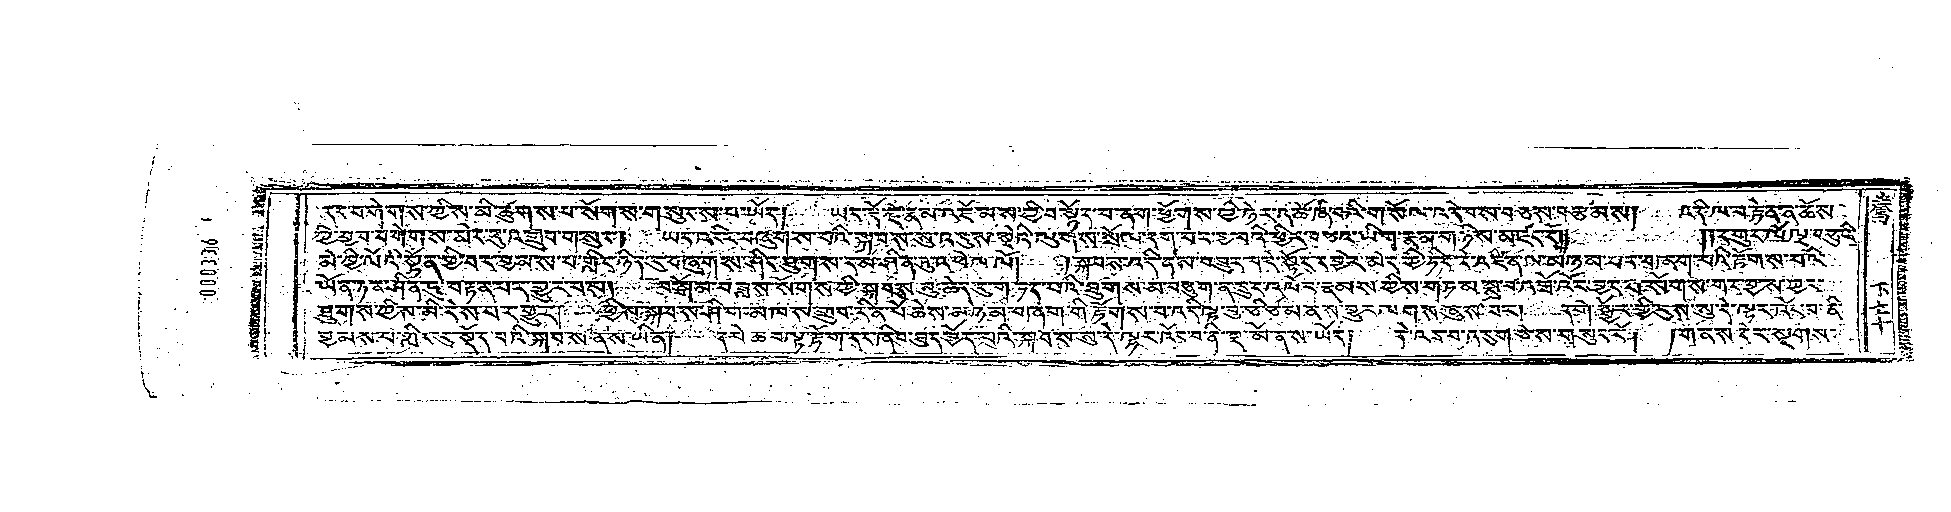དང་བགེགས་ཀྱིས་མི་ཚུགས་པ་སོགས་གསུངས་པ་ཡོད། ཡང་རྡོ་རྗེ་རྣམ་འཇོམས་ཀྱི་བསྟོད་བ་ནག་ཕྱོགས་ཀྱི་ཉེར་འཚོ་ཞི་བའི་གསོལ་འདེབས་བཅས་བརྩམས། འདི་ལ་བརྟེན་ན་ཆོས་
ཀྱི་བྱ་བ་བགེགས་མེད་དུ་འགྲུབ་གསུང་། ཡང་འདིར་བཞུགས་བའི་སྐབས་སུ་འདུས་སྡེའི་ལུགས་སྲོལ་དག་བར་བྱ་བའི་ཕྱིར་བཅའ་ཡིག་རྣམ་གཉིས་མཛད་དོ།། །།དགུང་ལོ་ལྔ་བཅུའི་
མེ་ཁྱི་ལོའི་སྟོན་གྱི་བར་བྱམས་པ་གླིང་ཉིད་དུ་བཞུགས་ཤིང་ཐུགས་དམ་ཤིན་ཏུ་འཕེལ་ལོ། །སྐབས་འདི་ནས་བཟུང་བདེ་སྟོང་དབྱེར་མེད་ཀྱི་ཏིང་ངེ་འཛིན་ལ་མཉམ་པར་བཞག་པའི་རྟོགས་པའི་
ཡོན་ཏན་ཤིན་ཏུ་བརྟན་པར་གྱུར་བས། བསྒོམ་བཟླས་སོགས་ཀྱི་སྐབས་སུ་ཆེད་དུ་གཏད་པའི་ཐུགས་མ་བཅུག་ན་དྲུང་འཁོར་རྣམས་ཀྱིས་གཏམ་སྨྲ་བ་འགྲོ་འོང་བྱང་པ་སོགས་གང་བྱས་ཀྱང་
ཐུགས་ཀྱིས་མི་དེས་པར་གྱུར། ཕྱིས་སྐབས་ཤིག་མཁས་གྲུབ་རིན་པོ་ཆེས་མཉམ་བཞག་གི་རྟོགས་པ་འདི་ལྟ་བུ་ཅི་ཙམ་ནས་བྱུང་ལགས་ཞུས་པར། དགེ་སྦྱོར་གྱི་དུས་སུ་དེ་ལྟར་འོང་བ་ནི་
བྱམས་པ་གླིང་དུ་སྡོད་པའི་སྐབས་ནས་ཡིན། དཔེ་ཆ་བལྟ་རྟོག་དང་ཞིབ་ཐུད་བྱེད་པའི་སྐབས་སུ་དེ་ལྟར་འོང་བ་ནི་སྔ་མོ་ནས་ཡོང་། དེ་འདྲ་བ་འདུག་ཅེས་གསུང་ངོ། །གནས་དེར་སྔགས་